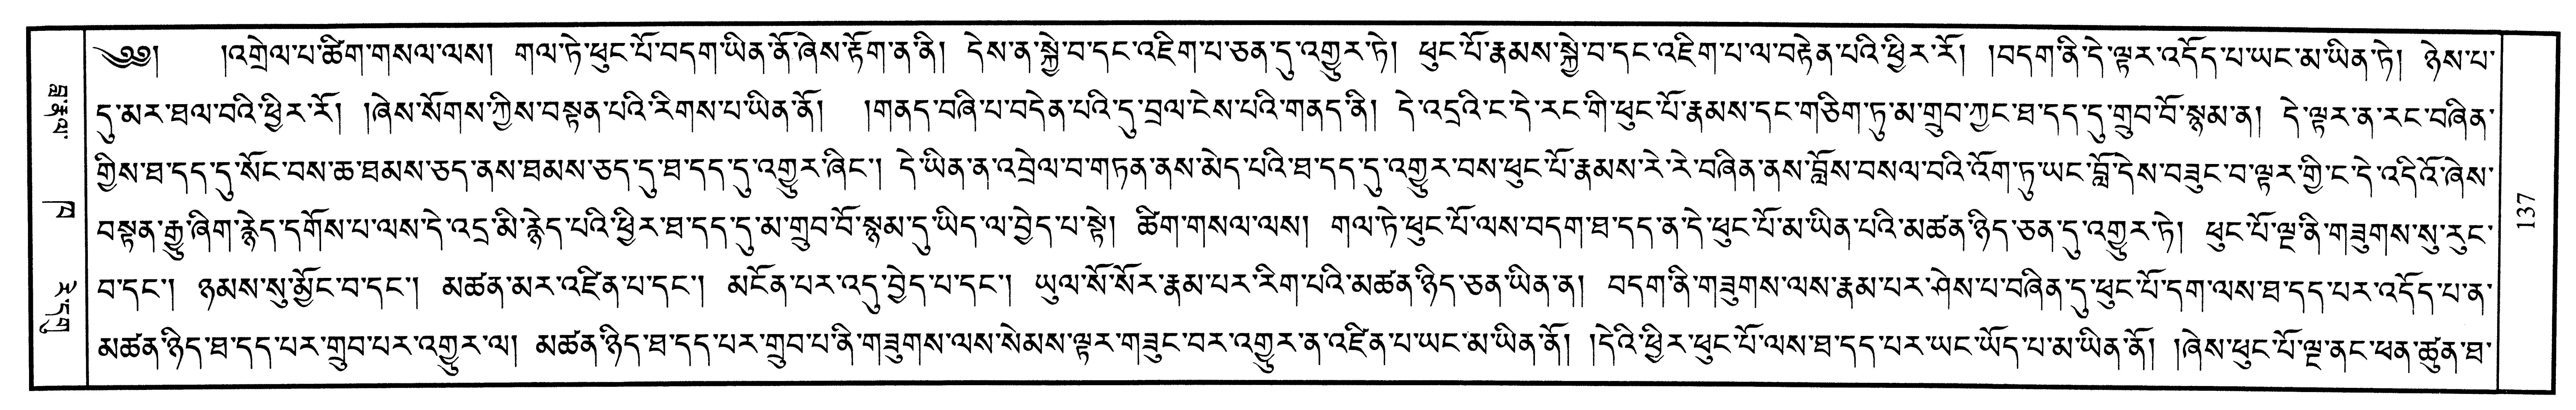༄༅། །འགྲེལ་པ་ཚིག་གསལ་ལས། གལ་ཏེ་ཕུང་པོ་བདག་ཡིན་ནོ་ཞེས་རྟོག་ན་ནི། དེས་ན་སྐྱེ་བ་དང་འཇིག་པ་ཅན་དུ་འགྱུར་ཏེ། ཕུང་པོ་རྣམས་སྐྱེ་བ་དང་འཇིག་པ་ལ་བརྟེན་པའི་ཕྱིར་རོ། །བདག་ནི་དེ་ལྟར་འདོད་པ་ཡང་མ་ཡིན་ཏེ། ཉེས་པ་
དུ་མར་ཐལ་བའི་ཕྱིར་རོ། །ཞེས་སོགས་ཀྱིས་བསྟན་པའི་རིགས་པ་ཡིན་ནོ། །གནད་བཞི་པ་བདེན་པའི་དུ་བྲལ་ངེས་པའི་གནད་ནི། དེ་འདྲའི་ང་དེ་རང་གི་ཕུང་པོ་རྣམས་དང་གཅིག་ཏུ་མ་གྲུབ་ཀྱང་ཐ་དད་དུ་གྲུབ་བོ་སྙམ་ན། དེ་ལྟར་ན་རང་བཞིན་
གྱིས་ཐ་དད་དུ་སོང་བས་ཆ་ཐམས་ཅད་ནས་ཐམས་ཅད་དུ་ཐ་དད་དུ་འགྱུར་ཞིང་། དེ་ཡིན་ན་འབྲེལ་བ་གཏན་ནས་མེད་པའི་ཐ་དད་དུ་འགྱུར་བས་ཕུང་པོ་རྣམས་རེ་རེ་བཞིན་ནས་བློས་བསལ་བའི་འོག་ཏུ་ཡང་བློ་དེས་བཟུང་བ་ལྟར་གྱི་ང་དེ་འདིའོ་ཞེས་
བསྟན་རྒྱུ་ཞིག་རྙེད་དགོས་པ་ལས་དེ་འདྲ་མི་རྙེད་པའི་ཕྱིར་ཐ་དད་དུ་མ་གྲུབ་བོ་སྙམ་དུ་ཡིད་ལ་བྱེད་པ་སྟེ། ཚིག་གསལ་ལས། གལ་ཏེ་ཕུང་པོ་ལས་བདག་ཐ་དད་ན་དེ་ཕུང་པོ་མ་ཡིན་པའི་མཚན་ཉིད་ཅན་དུ་འགྱུར་ཏེ། ཕུང་པོ་ལྔ་ནི་གཟུགས་སུ་རུང་
བ་དང་། ཉམས་སུ་མྱོང་བ་དང་། མཚན་མར་འཛིན་པ་དང་། མངོན་པར་འདུ་བྱེད་པ་དང་། ཡུལ་སོ་སོར་རྣམ་པར་རིག་པའི་མཚན་ཉིད་ཅན་ཡིན་ན། བདག་ནི་གཟུགས་ལས་རྣམ་པར་ཤེས་པ་བཞིན་དུ་ཕུང་པོ་དག་ལས་ཐ་དད་པར་འདོད་པ་ན་
མཚན་ཉིད་ཐ་དད་པར་གྲུབ་པར་འགྱུར་ལ། མཚན་ཉིད་ཐ་དད་པར་གྲུབ་པ་ནི་གཟུགས་ལས་སེམས་ལྟར་གཟུང་བར་འགྱུར་ན་འཛིན་པ་ཡང་མ་ཡིན་ནོ། །དེའི་ཕྱིར་ཕུང་པོ་ལས་ཐ་དད་པར་ཡང་ཡོད་པ་མ་ཡིན་ནོ། །ཞེས་ཕུང་པོ་ལྔ་ནང་ཕན་ཚུན་ཐ་